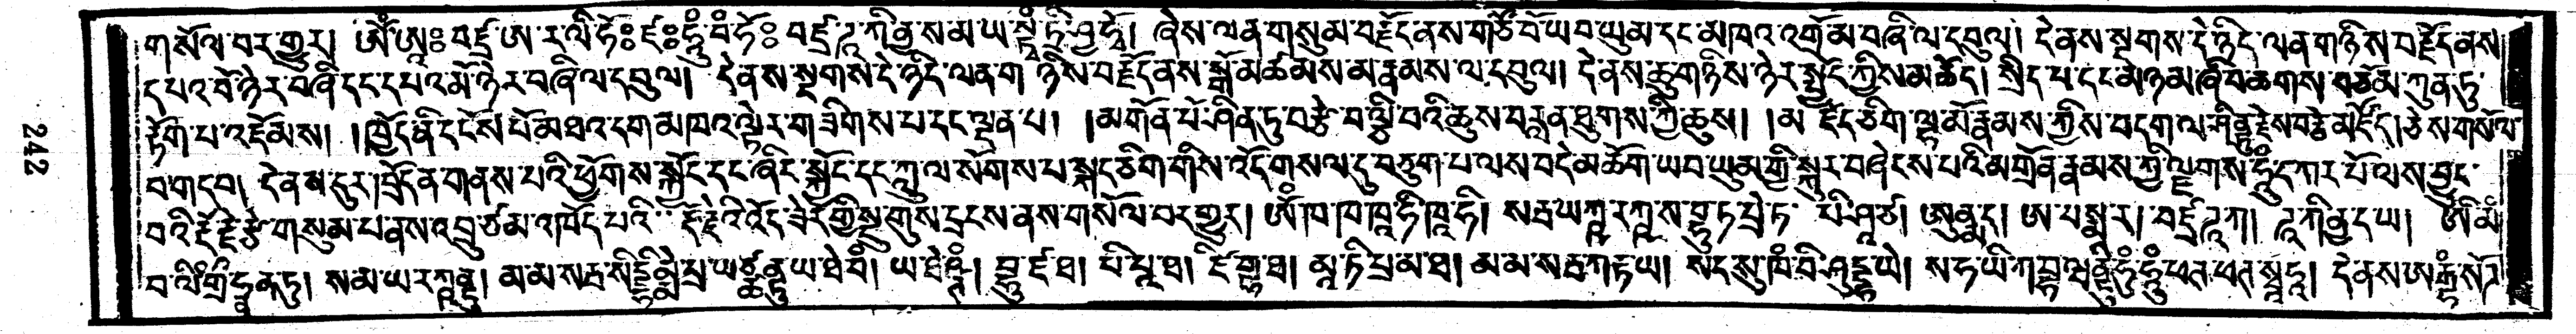གསོལ་བར་གྱུར། ཨོཾ་ཨཱཿ བཛྲ་ཨ་ར་ལི་ཧོཿ ཛཿ ཧཱུཾ་བཾ་ཧོཿ བཛྲ་ཌཱ་ཀི་ནྱ་ས་མ་ཡ་སྟྭཾ་ཏྲི་ཤྱ་ཧྭོ། ཞེས་ལན་གསུམ་བརྗོད་ནས་གཙོ་བོ་ཡབ་ཡུམ་དང་མཁའ་འགྲོ་མ་བཞི་ལ་དབུལ། དེ་ནས་སྔགས་དེ་ཉིད་ལན་གཉིས་བརྗོད་ནས་
དཔའ་བོ་ཉེར་བཞི་དང་དཔའ་མོ་ཉེར་བཞི་ལ་དབུལ། དེ་ནས་སྔགས་དེ་ཉིད་ལན་གཉིས་བརྗོད་ནས་སྒོ་མཚམས་མ་རྣམས་ལ་དབུལ། དེ་ནས་ཆུ་གཉིས་ཉེར་སྤྱོད་ཀྱིས་མཆོད། སྲིད་པ་དང་མཉམ་ཞི་བ་ཆགས་བཅོམ་ཀུན་ཏུ་
རྟོག་པ་འཇོམས། །ཁྱོད་ནི་དངོས་པོ་མཐའ་དག་མཁའ་ལྟེར་གཟིགས་པ་དང་ལྡན་པ། །མགོན་པོ་ཤིན་ཏུ་བརྩེ་བ་ལྕི་བའི་ཆུས་བརླན་ཐུགས་ཀྱི་ཆུས། །མཛོད་ཅིག་ལྷ་མོ་རྣམས་ཀྱིས་བདག་ལ་ཤིན་ཏུ་རྗེས་བརྩེ་མཛོད། ཅེས་གསོལ་
བ་གདབ། དེ་ནས་དུར་ཁྲོད་ན་གནས་པའི་ཕྱོགས་སྐྱོང་དང་ཞིང་སྐྱོང་དང་ཀླུ་ལ་སོགས་པ་སྐད་ཅིག་གིས་འོད་གསལ་དུ་བཅུག་པ་ལས་བདེ་མཆོག་ཡབ་ཡུམ་གྱི་སྐུར་བཞེངས་པའི་མགྲོན་རྣམས་ཀྱི་ལྗགས་ཧཱུཾ་དཀར་པོ་ལས་བྱུང་
བའི་རྡོ་རྗེ་རྩེ་གསུམ་པ་ནས་འབྲུ་ཙམ་འཁོད་པའི་རྡོ་རྗེའི་འོད་ཟེར་གྱི་སྡུ་གུས་དྲངས་ནས་གསོལ་བར་གྱུར། ཨོཾ་ཁ་ཁ་ཁཱ་ཧི་ཁཱ་ཧི། སརྦ་ཡཀྵ་རཀྵ་ས་བྷུ་ཏ་པྲེ་ཏ་པི་ཤཱ་ཙ། ཨུནྨ་ད། ཨ་པསྨ་ར། བཛྲ་ཌཱ་ཀ། ཌཱ་ཀི་ནྱ་ད་ཡ། ཨི་མཾ་
བ་ལིཾ་གྲྀ་ཧྣན་ཏུ། ས་མ་ཡ་རཀྵ་ནྟུ། མ་མ་སརྦ་སིདྡྷི་མྨེ་པྲ་ཡཙྪ་ནྟུ་ཡ་ཐེ་བཾ། ཡ་ཐེ་ཥྚཾ། བྷུ་ཛ་ཐ། པི་པཱ་ཐ། ཛི་གྷ་ཐ། མཱ་ཏི་པྲ་མ་ཐ། མ་མ་སརྦ་ཀརྟ་ཡ། སད་སུ་ཁཾ་བི་ཤུདྡྷ་ཡེ། ས་ཧ་ཡི་ཀ་བྷ་ཝནིཏུ་ཧུཾ་ཧཱུཾ་ཕཊ་ཕཊ་སྭཱ་ཧཱ། དེ་ནས་ཨརྒྷཾ་སོཌ་